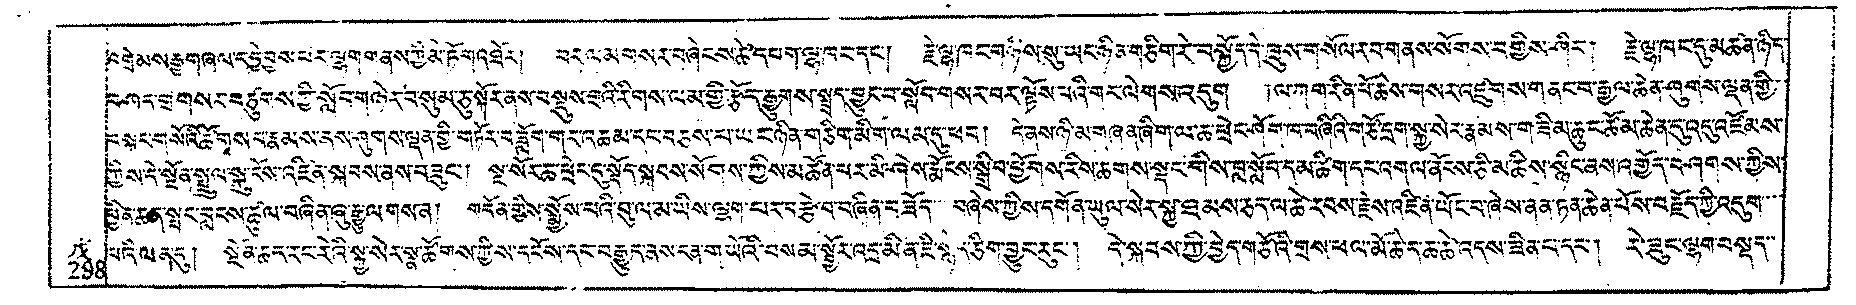འགྲེམས་རྒྱ་གཞལ་དབྱེ་བྱས་པར་ལྷག་གནས་ཀྱི་མེ་ཏོག་འཐོར། བར་ལམ་གསར་བཞེངས་ཚེ་དཔག་ལྷ་ཁང་དང་། རྗེ་ལྷ་ཁང་གཉིས་སུ་ཡང་ཉིན་གཅིག་རེ་བསྐྱོད་དེ་ཁྲུས་གསོལ་རབ་གནས་སོགས་བགྱིས་ཤིང་། རྗེ་ལྷ་ཁང་དུ་མཚན་ཉིད་
བཤད་གྲ་གསར་བཙུགས་ཀྱི་སློབ་གཉེར་བ་སུམ་ཅུ་སྐོར་ནས་བསྡུས་གྲའི་རིགས་ལམ་གྱི་རྩོད་རྒྱུགས་སྤྲད་བྱུང་བ་སློབ་གསར་བར་ལྟོས་པའི་གང་ལེགས་འདུག །ལ་ཀག་རིན་པོ་ཆེས་གསར་འཛུགས་གནང་བ་རྒྱལ་ཆེན་ཤུགས་ལྡན་གྱི་
བསྐང་གསོའི་ཚོགས་པ་རྣམས་ནས་ཤུགས་ལྡན་གྱི་གཏོར་བཟློག་གར་འཆམ་དང་བཅས་པ་ཡང་ཉིན་གཅིག་མིག་ལམ་དུ་ཕབ། དེ་ནས་ཉི་མ་གཞན་ཞིག་ལ་ཆ་ཕྲེང་ཤོག་ཁ་བཞིའི་གཙོ་དྲག་སྐྱ་སེར་རྣམས་གཟིམ་ཆུང་ཚོམ་ཆེན་དུ་འདུ་འཛོམས་
ཀྱིས་དེ་སྔོན་སྤྲུལ་སྐུ་ངོས་འཛིན་སྐབས་ནས་བཟུང་། སྔ་སོར་ཆ་ཕྲེང་དུ་སྡོད་སྐབས་སོགས་ཀྱིས་མཚོན་པར་མི་ཤེས་རྨོངས་སྒྲིབ་ཕྱོགས་རིས་ཆགས་སྡང་གིས་བླ་སློབ་དམ་ཚིག་དང་འགལ་ནོངས་ཅི་མཆིས་སྙིང་ནས་འགྱོད་བཤགས་ཀྱིས་
ཕྱིན་ཆན་སྤང་བླངས་ཚུལ་བཞིན་ཞུ་རྒྱུ་ལགས་ན། གདོན་གྱིས་སྨྱོས་པའི་བུ་ལ་མ་ཡིས་ལྷག་པར་བརྩེ་བ་བཞིན་བཟོད་བཞེས་ཀྱིས་དགོན་ཡུལ་སེར་སྐྱ་ཐམས་ཅད་ལ་ཚེ་རབས་རྗེས་འཛིན་ཡོང་བ་ཞེས་ནན་ཏན་ཆེན་པོས་བརྗོད་ཀྱི་འདུག་
པའི་ལན་དུ། སྔོན་ཆད་རང་རེའི་སྐྱ་སེར་སྣ་ཚོགས་ཀྱིས་དངོས་དང་བརྒྱུད་ནས་ངན་གཡོའི་བསམ་སྦྱོར་འདྲ་མིན་ཇི་སྙེད་ཅིག་བྱུང་རུང་། དེ་སྐབས་ཀྱི་བྱེད་གཙོའི་གྲས་ཕལ་མོ་ཆེ་ད་ཆ་ཚེ་འདས་ཟིན་པ་དང་། རེ་ཟུང་ལྷག་བསྡད་